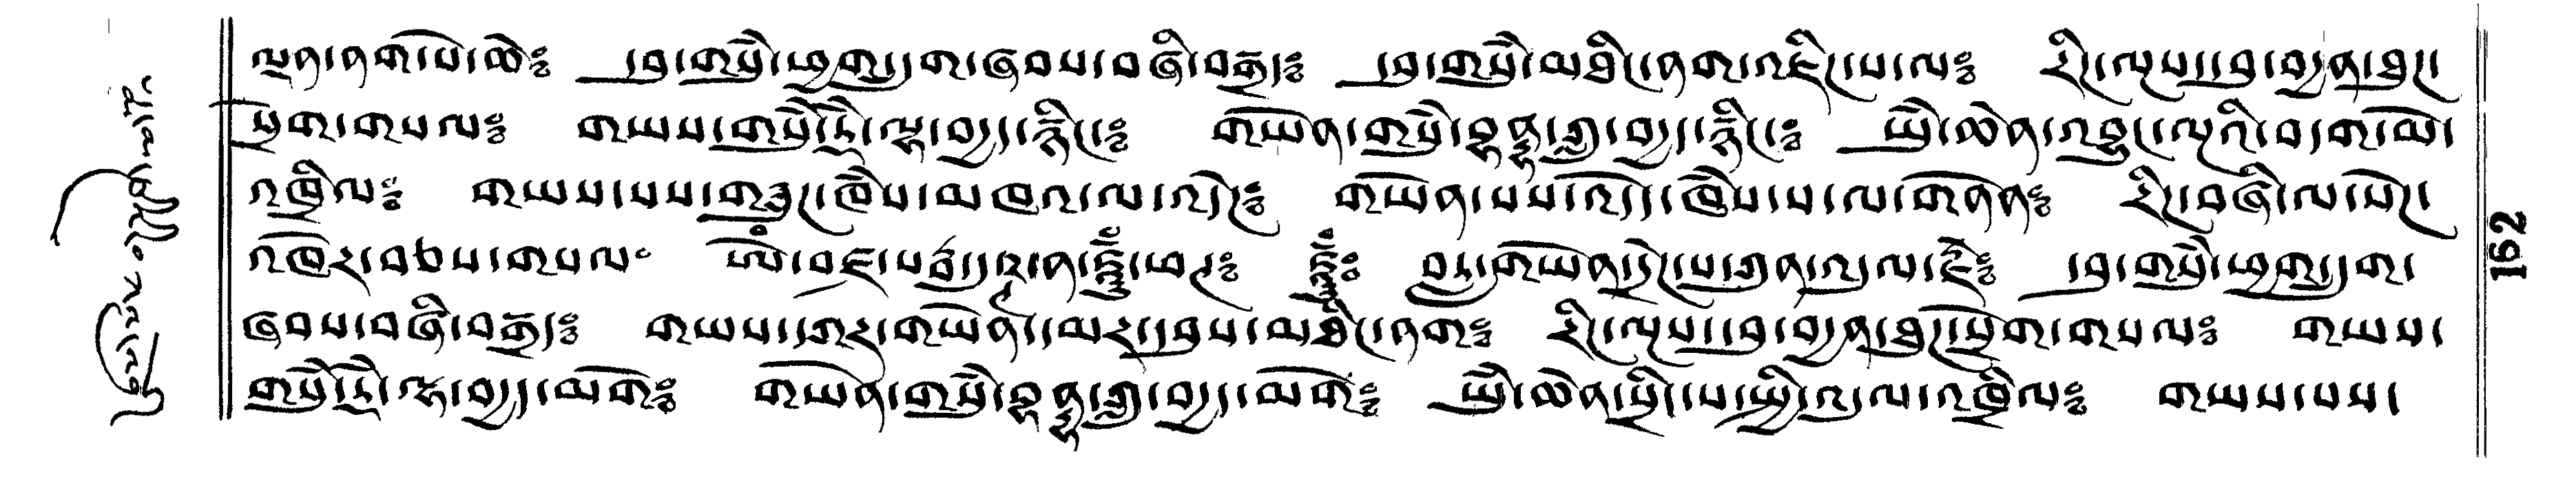ལྡན་ནག་པོ་ཆེ༔ དབུ་གསུམ་ཕྱག་དྲུག་ཞབས་བཞི་བསྒྲད༔ དབུ་གསུམ་མཐིང་ནག་འཇིགས་པ་ལ༔ རིགས་ལྔས་དབུ་བརྒྱན་ཐུགས་
སྲོག་གསལ༔ གཡས་གསུམ་རྡོ་རྗེ་ལྷ་བརྒྱད་སྙིང༔ གཡོན་གསུམ་བྷནྡྷ་ཀླུ་བརྒྱད་སྙིང༔ ཡུམ་ཆེན་འབྱུང་ལྔའི་བདག་མོ་
འཁྲིལ༔ གཡས་པས་གཟུགས་ཁམས་མཁའ་ལ་འདེགས༔ གཡོན་པས་འདོད་ཁམས་ས་ལ་གནོན༔ རིགས་བཞི་ལ་སོགས་
འཁོར་བཅས་གསལ༔ ཨོཾ་བཛྲ་སརྦ་དུཥྚན་ཧཱུྃ་ཕཊ༔ ཧཱུྃ༔ བརླ་གཡོན་དྲེགས་པ་ཀུན་འདུལ་རྗེ༔ དབུ་གསུམ་ཕྱག་དྲུག་
ཞབས་བཞི་བསྒྲད༔ གཡས་དཀར་གཡོན་དམར་དབུས་མཐིང་ནག༔ རིགས་ལྔས་དབུ་བརྒྱན་ཐུགས་སྲོག་གསལ༔ གཡས་
གསུམ་རྡོ་རྗེ་ལྷ་བརྒྱད་མགོ༔ གཡོན་གསུམ་བྷནྡྷ་ཀླུ་བརྒྱད་མགོ༔ ཡུམ་ཆེན་སྲིད་པ་སྤྱི་འདུལ་འཁྲིལ༔ གཡས་པས་